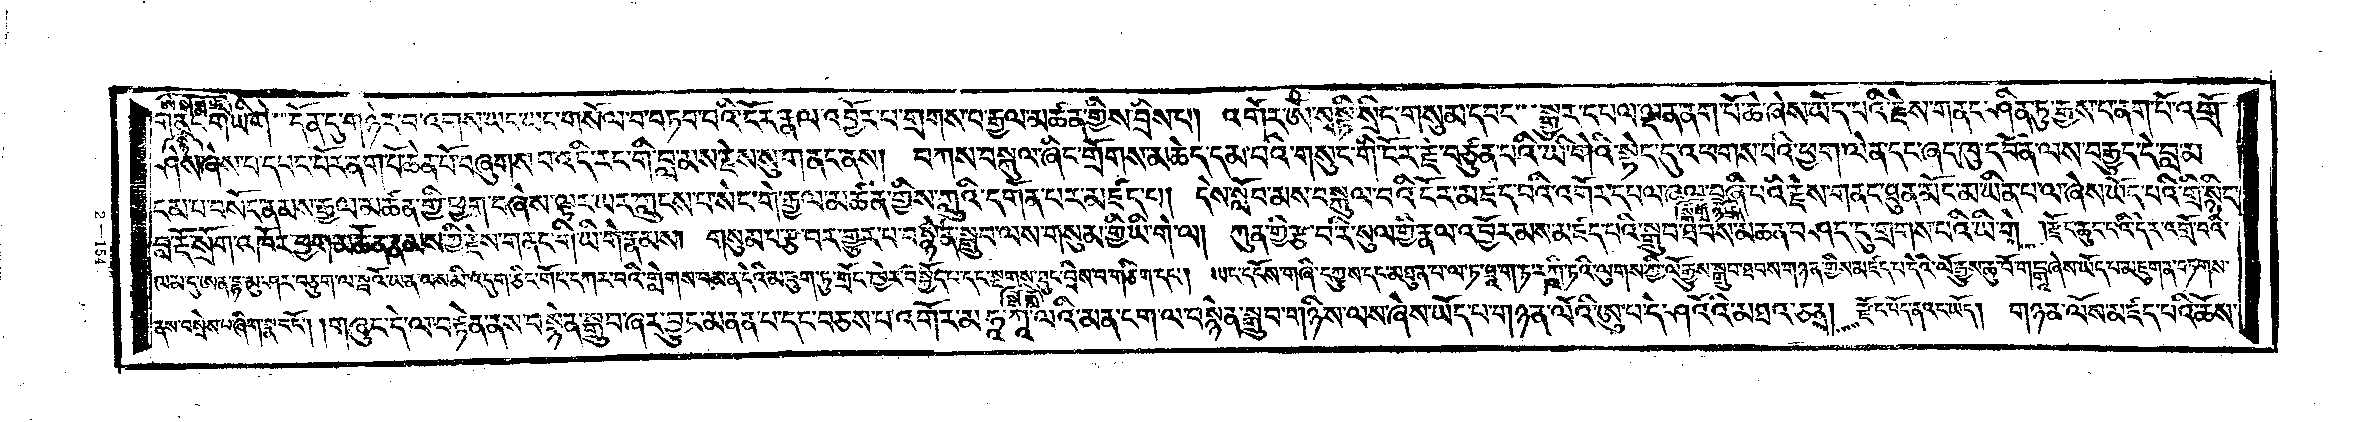གནང་ག་ཡི་གེ་དོན་དུ་གཉེར་བ་འགས་ཡང་ཡང་གསོལ་བ་བཏབ་པའི་ངོར་རྣལ་འབྱོར་པ་གྲགས་པ་རྒྱལ་མཚན་གྱིས་བྲིས་པ། འགོར་ཨོཾ་སྭསྟི་སྲིད་གསུམ་དབང་སྒྱུར་དཔལ་ལྡན་ནག་པོ་ཆེ་ཞེས་ཡོད་པའི་རྗེས་གནང་ཤིན་ཏུ་རྒྱས་པ་ནག་པོ་འགྲོ་
ཤེས་ཞེས་པ་དཔང་པོར་ནག་པོ་ཆེན་པོ་བཞུགས་པ་འདི་རང་གི་བླ་མས་རྗེས་སུ་གནང་ནས། བཀས་བསྐུལ་ཞིང་གྲོགས་མཆེད་དམ་པའི་གསུང་གི་ངོར་རྗེ་བཙུན་པའི་ཡི་གེའི་སྟེང་དུ་འཕགས་པའི་ཕྱག་ལེན་དང་ཞང་ཁུ་དབོན་ལས་བརྒྱུད་དེ་བླ་མ་
ངམ་པ་བསོད་ནམས་རྒྱལ་མཚན་གྱི་ཕྱག་བཞེས་ལྟར་ཡར་ཀླུངས་པ་སེང་གེ་རྒྱལ་མཚན་གྱིས་ཀླུའི་དགོན་པར་མཛད་པ། དེས་སློབ་མས་བསྐུལ་བའི་ངོར་མཛད་པའི་འགོར་དཔལ་ཞལ་བཞི་པའི་རྗེས་གནང་ཐུན་མོང་མ་ཡིན་པ་ལ་ཞེས་ཡོད་པའི་གྲི་སྙིང་།
བླ་རྡོ་སྲོག་འཁོར་ཕྱག་མཚོན་རྣམས་ཀྱི་རྗེས་གནང་གི་ཡི་གེ་རྣམས། གསུམ་པ་རྩ་བར་གྱུར་པ་བསྙེན་སྒྲུབ་ལས་གསུམ་གྱི་ཡི་གེ་ལ། ཀུན་གྱི་རྩ་བ་རི་སུལ་གྱི་རྣལ་འབྱོར་མས་མཛད་པའི་སྒྲུབ་ཐབས་མཚན་བཤད་དུ་གྲགས་པའི་ཡི་གེ། །རྫོང་ཆུང་པའི་དེར་འགྲོ་བའི་
ལམ་དུ་ཨན་དྷ་མུ་ཤར་བཅུག་ལས་པའོ་ཡན་ལས་མི་འདུག་ཅིང་གོང་དཀར་བའི་གླེགས་བམ་ན་དེའི་མཇུག་ཏུ་གྲོང་ཁྱེར་བསྐྱོད་པ་དང་སྔགས་ཐུང་བྲིས་པ་གཅིག་དང་། ཡང་དངོས་གཞི་དཀྱུས་དང་མཐུན་པ་ལ་ཏ་ཐཱ་ག་ཏ་རཀྵཱི་ཏའི་ལུགས་ཀྱི་ལོ་རྒྱུས་སྒྲུབ་ཐབས་གཉན་གྱིས་མཛད་པ་དེའི་ལོ་རྒྱུས་ཆུ་བོ་གངྒཱ་ཞེས་ཡོད་པ་མཇུག་ན་བཏགས་
ནས་བསྲེས་པ་ཞིག་སྣང་ངོ། །གཞུང་དེ་ལ་བརྟེན་ནས་བསྙེན་སྒྲུབ་ཞར་བྱུང་མནན་པ་དང་བཅས་པ་འགོར་མ་ཧཱ་ཀཱ་ལའི་མན་ངག་ལ་བསྙེན་སྒྲུབ་གཉིས་ལས་ཞེས་ཡོད་པ་གཉན་ལོའི་ཨུ་པ་དེ་ཤའོའི་མཐའ་ཅན། རྫོད་པོད་ནའང་ཡོད།  གཉན་ལོས་མཛད་པའི་ཆོས་